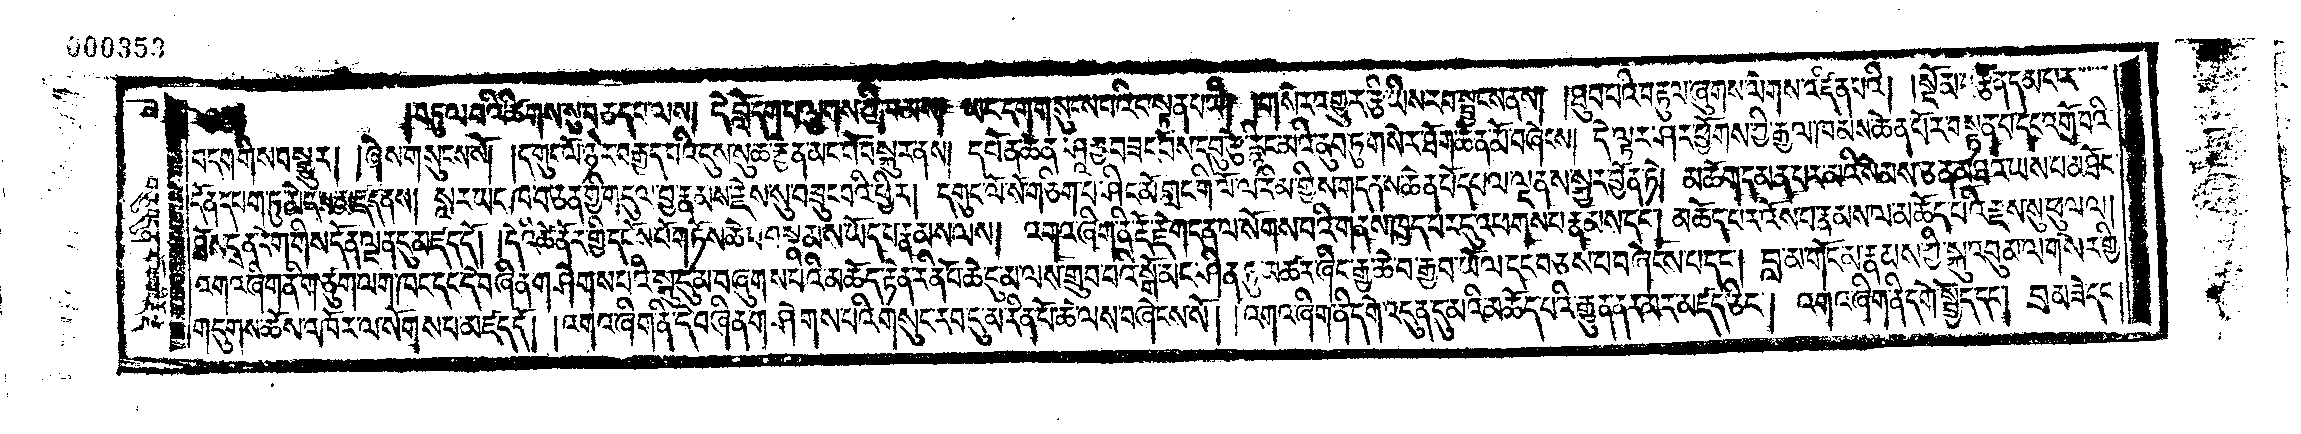༄༅། །བཏུལ་བའི་ཚིགས་སུ་བཅད་པ་ལས། དེ་བློ་དག་པ་ལྕགས་ཀྱི་ཁམས། ཡང་དག་གསུངས་པའི་བསྟན་པ་ཡི། །གསེར་འགྱུར་རྩི་ཡིས་རབ་སྦྱངས་ནས། །ཐུབ་པའི་བརྟུལ་ཞུགས་ལེགས་འཛིན་པའོ། །སྡོམ་བརྩོན་དམ་པར་
བདག་གིས་བསྒྱུར། །ཞེས་གསུངས་སོ། །དགུང་ལོ་ཉེར་བརྒྱད་པའི་དུས་སུ་ཆ་རྐྱེན་མང་པོ་བསྐུར་ནས། དཔོན་ཆེན་ཤཱཀྱ་བཟང་པོས་དབུ་རྩེ་རྙིང་མའི་ནུབ་ཏུ་གསེར་ཐོག་ཆེན་མོ་བཞེངས། དེ་ལྟར་ཤར་ཕྱོགས་ཀྱི་རྒྱལ་ཁམས་ཆེན་པོར་བསྟན་པ་དང་འགྲོ་བའི་
དོན་དཔག་ཏུ་མེད་པ་མཛད་ནས། སླར་ཡང་ཁ་བ་ཅན་གྱི་གདུལ་བྱ་རྣམས་རྗེས་སུ་བཟུང་བའི་ཕྱིར། དགུང་ལོ་སོ་གཅིག་པ་ཤིང་མི་གླང་གི་ལོ་ལ་རིམ་གྱིས་གདན་ས་ཆེན་པོ་དཔལ་ལྡན་ས་སྐྱར་བྱོན་ཏེ། མཆོག་དམན་པར་མའི་སེམས་ཅན་མཐའ་ཡས་པ་མཐོང་
ཐོས་དྲན་རེག་གིས་དོན་ལྡན་དུ་མཛད་དོ། །དེའི་ཚེ་ནོར་གྱི་དངོས་པོ་གཏོས་ཆེ་བ་བསྣམས་ཡོང་པ་རྣམས་ལས། འགའ་ཞིག་ནི་རྡོ་རྗེ་གདན་ལ་སོགས་པའི་གནས་ཁྱད་པར་དུ་འཕགས་པ་རྣམས་དང་། མཆོད་པར་འོས་པ་རྣམས་ལ་མཆོད་པའི་རྫས་སུ་ཕུལ་ལ།
འགའ་ཞིག་ནི་གཙུག་ལག་ཁང་དང་དེ་བཞིན་གཤེགས་པའི་སྐུ་དུ་མ་བཞུགས་པའི་མཆོད་རྟེན་རིན་པོ་ཆེ་དུ་མ་ལས་གྲུབ་པའི་སྒོ་མང་ཤིན་ཏུ་མཚར་ཞིང་རྒྱ་ཆེར་རྒྱབ་ཡུལ་དང་བཅས་པ་བཞེངས་པ་དང་། བླ་མ་གོང་མ་རྣམས་ཀྱི་སྐུ་འབུམ་ལ་གསེར་གྱི་
གདུགས་ཆོས་འཁོར་ལ་སོགས་པ་མཛད་དོ། །འགའ་ཞིག་ནི་དེ་བཞིན་གཤེགས་པའི་གསུང་རབ་དུ་མ་རིན་པོ་ཆེ་ལས་བཞེངས་སོ། །འགའ་ཞིག་ནི་དགེ་སྤྱོང་དང་། བྲམ་ཟེ་དང་།